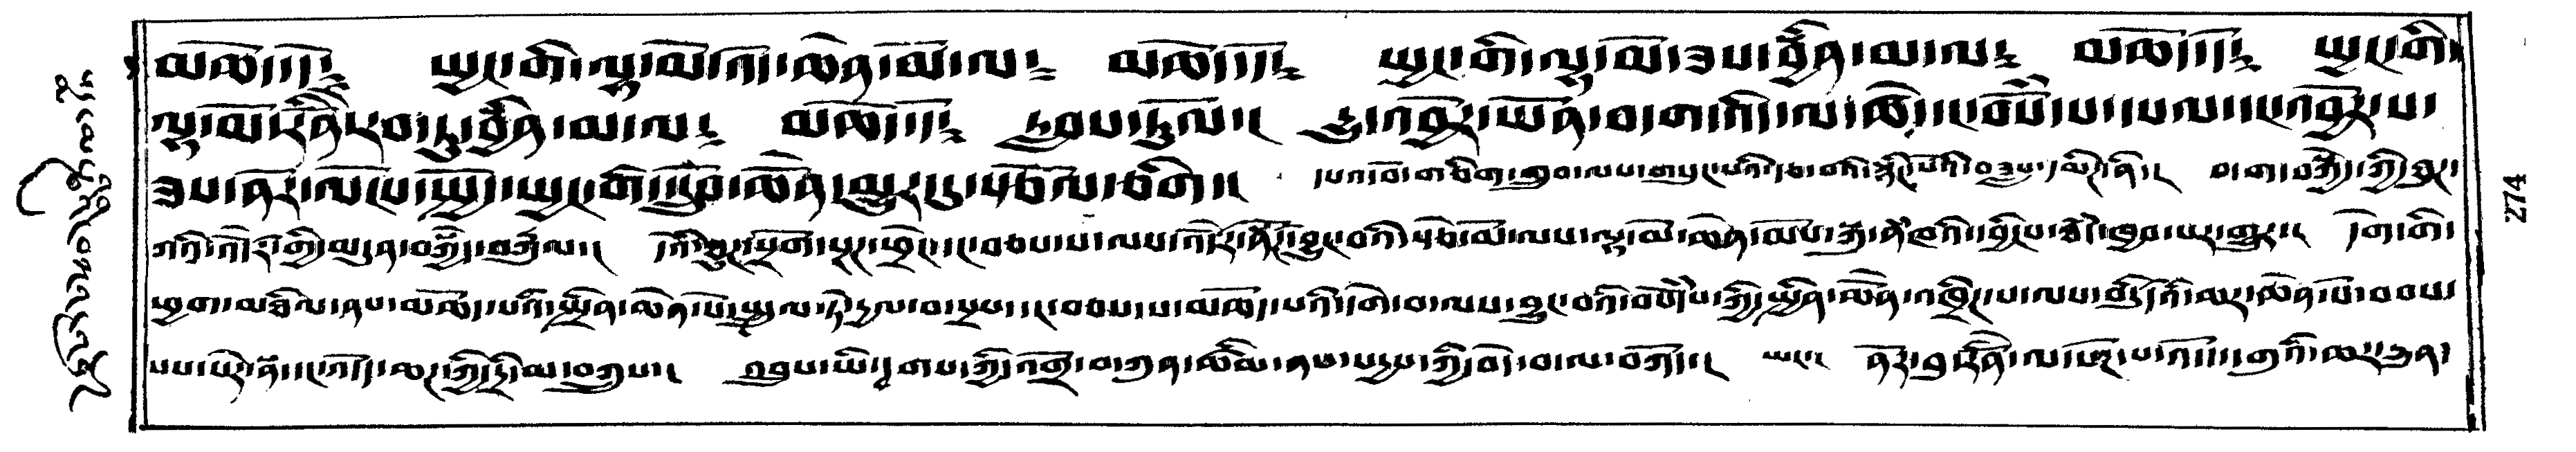མཆོད་དོ༴ གཡང་གི་ལྷ་མོ་འོད་ཆེན་མོ་ལ༴ མཆོད་དོ༴ གཡང་གི་ལྷ་མོ་ཟས་སྦྱིན་མ་ལ༴ མཆོད་དོ༴ གཡང་གི་
ལྷ་མོ་རིན་པོ་ཆེ་རབ་ཏུ་སྦྱིན་མ་ལ༴ མཆོད་དོ༴ བྱིན་གྱིས་བརླབ་ཏུ་གསོལ༴ རྒྱུ་སྦྱོར་ཡོན་བདག་འདི་ལ་ཚེ་དང་བསོད་ནམས་དཔལ་དང་འབྱོར་པ་
ཟས་ནོར་ལོངས་སྤྱོད་གཡང་གི་དངོས་གྲུབ་ཆེན་པོ་མྱུར་དུ་སྩོལ་ཅིག དཔའ་བོ་གཅིག་གྲུབ་ལས་གསུངས་པའི་རྩ་བའི་སྙིང་པོའི་བཟླས་དམིགས་ནི། །བདག་བསྐྱེད་ཀྱི་ཐུགས་
ཀའི་འོད་ཟེར་གྱིས་མདུན་བསྐྱེད་བསྐུལ། དེའི་ཐུགས་སྲོག་སྔགས་ཕྲེང་དང་བཅས་པ་ལས་འོད་ཟེར་སྣ་ཚོགས་བྱུང་བའི་རྩེ་མོ་ལས་ལྷ་མོ་ཆེན་མོས་སྐུ་ནམ་མཁའི་དབྱིངས་ཐམས་ཅད་ཁྱབ་པར་གྱུར། དེ་དག་གི་
ཕྱག་མཐིལ་ནས་མཆོད་པའི་སྤྲིན་ཆེན་པོ་སྤྲུལ་ཏེ་རྒྱལ་བ་སྲས་དང་བཅས་པ་མཆོད་པའི་དགེ་བ་ལས་བྱུང་བའི་བསོད་ནམས་ཀྱི་སྤྲིན་ཆེན་པོ་འཁྲིགས་པ་ལས་བདུད་རྩིའི་ཆར་ཆེན་པོ་བབས་
པས་སེར་སྣ་དང་འདོད་ཆགས་ཀྱི་དྲི་མ་བཀྲུས། འབྲས་བུ་ཡི་དྭགས་ཀྱི་འགྲོ་བ་ཀུན་ཚིམ་ནས་སངས་རྒྱས་ཀྱི་བདེ་བ་ལ་བཀོད། ཡང་ནོར་བུ་རིན་ཆེ་ལ་སོགས་པ་འདོད་གུའི་ཆར་རྒྱུན་